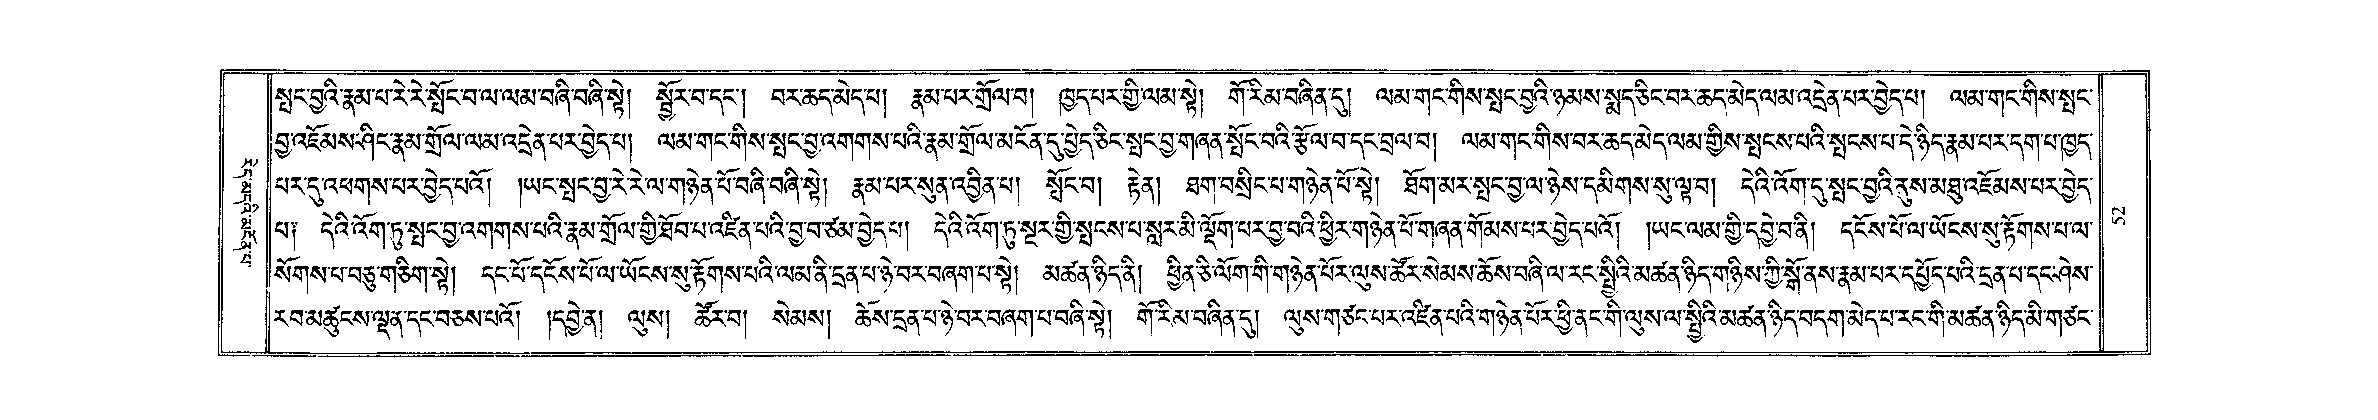སྤང་བྱའི་རྣམ་པ་རེ་རེ་སྤོང་བ་ལ་ལམ་བཞི་བཞི་སྟེ། སྦྱོར་བ་དང་། བར་ཆད་མེད་པ། རྣམ་པར་གྲོལ་བ། ཁྱད་པར་གྱི་ལམ་སྟེ། གོ་རིམ་བཞིན་དུ། ལམ་གང་གིས་སྤང་བྱའི་ཉམས་སྨད་ཅིང་བར་ཆད་མེད་ལམ་འདྲེན་པར་བྱེད་པ། ལམ་གང་གིས་སྤང་
བྱ་འཇོམས་ཤིང་རྣམ་གྲོལ་ལམ་འདྲེན་པར་བྱེད་པ། ལམ་གང་གིས་སྤང་བྱ་འགགས་པའི་རྣམ་གྲོལ་མངོན་དུ་བྱེད་ཅིང་སྤང་བྱ་གཞན་སྤོང་བའི་རྩོལ་བ་དང་བྲལ་བ། ལམ་གང་གིས་བར་ཆད་མེད་ལམ་གྱིས་སྤངས་པའི་སྤངས་པ་དེ་ཉིད་རྣམ་པར་དག་པ་ཁྱད་
པར་དུ་འཕགས་པར་བྱེད་པའོ། །ཡང་སྤང་བྱ་རེ་རེ་ལ་གཉེན་པོ་བཞི་བཞི་སྟེ། རྣམ་པར་སུན་འབྱིན་པ། སྤོང་བ། རྟེན། ཐག་བསྲིང་པ་གཉེན་པོ་སྟེ། ཐོག་མར་སྤང་བྱ་ལ་ཉེས་དམིགས་སུ་ལྟ་བ། དེའི་འོག་དུ་སྤང་བྱའི་རུས་མཐུ་འཇོམས་པར་བྱེད་
པ༑ དེའི་འོག་ཏུ་སྤང་བྱ་འགགས་པའི་རྣམ་གྲོལ་གྱི་ཐོབ་པ་འཛིན་པའི་བྱ་བ་ཙམ་བྱེད་པ། དེའི་འོག་ཏུ་སྔར་གྱི་སྤངས་པ་སླར་མི་ལྡོག་པར་བྱ་བའི་ཕྱིར་གཉེན་པོ་གཞན་གོམས་པར་བྱེད་པའོ། །ཡང་ལམ་གྱི་དབྱེ་བ་ནི། དངོས་པོ་ལ་ཡོངས་སུ་རྟོགས་པ་ལ་
སོགས་པ་བཅུ་གཅིག་སྟེ། དང་པོ་དངོས་པོ་ལ་ཡོངས་སུ་རྟོགས་པའི་ལམ་ནི་དྲན་པ་ཉེར་བར་བཞག་པ་སྟེ། མཚན་ཉིད་ནི། ཕྱིན་ཅི་ལོག་གི་གཉེན་པོར་ལུས་ཚོར་སེམས་ཆོས་བཞི་ལ་རང་སྤྱིའི་མཚན་ཉིད་གཉིས་ཀྱི་སྒོ་ནས་རྣམ་པར་དཔྱོད་པའི་དྲན་པ་དང་ཤེས་
རབ་མཚུངས་ལྡན་དང་བཅས་པའོ། །དབྱེ་ན། ལུས། ཚོར་བ། སེམས། ཆོས་དྲན་པ་ཉེ་བར་བཞག་པ་བཞི་སྟེ། གོ་རིམ་བཞིན་དུ། ལུས་གཙང་པར་འཛིན་པའི་གཉེན་པོར་ཕྱི་ནང་གི་ལུས་ལ་སྤྱིའི་མཚན་ཉིད་བདག་མེད་པ་རང་གི་མཚན་ཉིད་མི་གཙང་